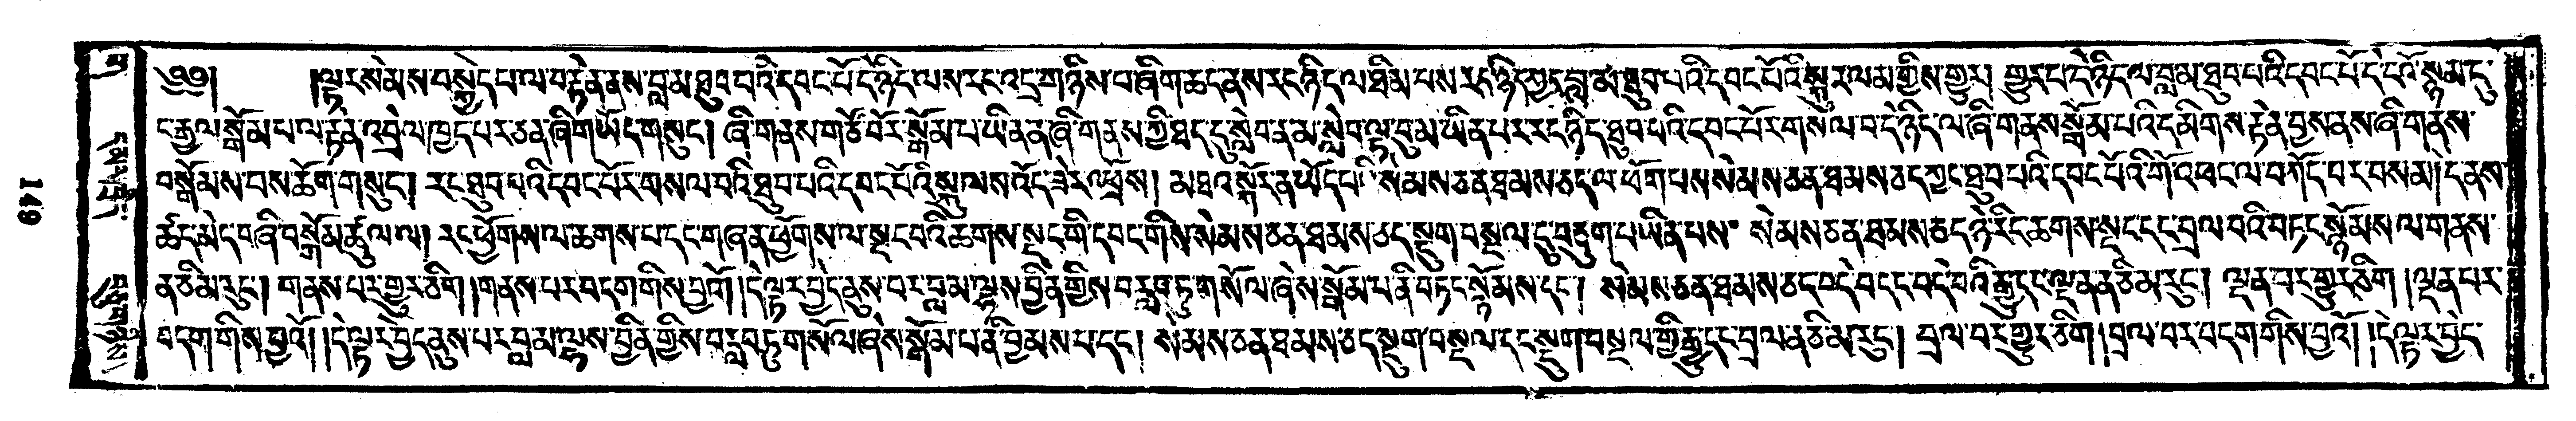༄༅། །ལྟར་སེམས་བསྐྱེད་པ་ལ་བརྟེན་ནས་བླ་མ་ཐུབ་པའི་དབང་པོ་དེ་ཉིད་ལས་རང་འདྲ་གཉིས་བ་ཞིག་ཆད་ནས་རང་ཉིད་ལ་ཐིམ་པས་རང་ཉིད་ཀྱང་བླ་མ་ཐུབ་པའི་དབང་པོའི་སྐུར་ལམ་གྱིས་གྱུར། གྱུར་པ་དེ་ཉིད་ལ་བླ་མ་ཐུབ་པའི་དབང་པོ་དེ་ངའོ་སྙམ་དུ་
ང་རྒྱལ་སྒོམ་པ་ལ་རྟེན་འབྲེལ་ཁྱད་པར་ཅན་ཞིག་ཡོད་གསུང་། ཞི་གནས་གཙོ་བོར་སྒོམ་པ་ཡིན་ན་ཞི་གནས་ཀྱི་ཐད་དུ་སླེབ་ན་མ་སླེབ་ལྟ་བུ་མ་ཡིན་པར་རང་ཉིད་ཐུབ་པའི་དབང་པོར་གསལ་བ་དེ་ཉིད་ལ་ཞི་གནས་སྒོམ་པའི་དམིགས་རྟེན་བྱས་ནས་ཞི་གནས་
བསྒོམས་པས་ཆོག་གསུང་། རང་ཐུབ་པའི་དབང་པོར་གསལ་བའི་ཐུབ་པའི་དབང་པོའི་སྐུ་ལས་འོད་ཟེར་འཕྲོས། མཐའ་སྐོར་ན་ཡོད་པའི་སེམས་ཅན་ཐམས་ཅད་ལ་ཕོག་པས་སེམས་ཅན་ཐམས་ཅད་ཀྱང་ཐུབ་པའི་དབང་པོའི་གོ་འཕང་ལ་བཀོད་པར་བསམ། །དེ་ནས་
ཚད་མེད་བཞི་བསྒོམ་ཚུལ་ལ། རང་ཕྱོགས་ལ་ཆགས་པ་དང་གཞན་ཕྱོགས་ལ་སྡང་བའི་ཆགས་སྡང་གི་དབང་གི་སེམས་ཅན་ཐམས་ཅད་སྡུག་བསྔལ་བཅུག་པ་ཡིན་པས་སེམས་ཅན་ཐམས་ཅད་ཉེ་རིང་ཆགས་སྡང་དང་བྲལ་བའི་བཏང་སྙོམས་ལ་གནས་
ན་ཅི་མ་རུང་། གནས་པར་གྱུར་ཅིག །གནས་པར་བདག་གིས་བྱའོ། །དེ་ལྟར་བྱེད་ནུས་པར་བླ་མ་ལྷས་བྱིན་གྱིས་བརླབ་ཏུ་གསོལ་ཞེས་སྒོམ་པ་ནི་བཏང་སྙོམས་དང་། སེམས་ཅན་ཐམས་ཅད་བདེ་བ་དང་བདེ་བའི་རྒྱུ་དང་ལྡན་ན་ཅི་མ་རུང་། ལྡན་པར་གྱུར་ཅིག །ལྡན་པར་
བདག་གིས་བྱའོ། །དེ་ལྟར་བྱེད་ནུས་པར་བླ་མ་ལྷས་བྱིན་གྱིས་བརླབ་ཏུ་གསོལ་ཞེས་སྒོམ་པ་ནི་བྱམས་པ་དང་། སེམས་ཅན་ཐམས་ཅད་སྡུག་བསྔལ་དང་སྡུག་བསྔལ་གྱི་རྒྱུ་དང་བྲལ་ན་ཅི་མ་རུང་། བྲལ་བར་གྱུར་ཅིག །བྲལ་བར་བདག་གིས་བྱའོ། །དེ་ལྟར་བྱེད་